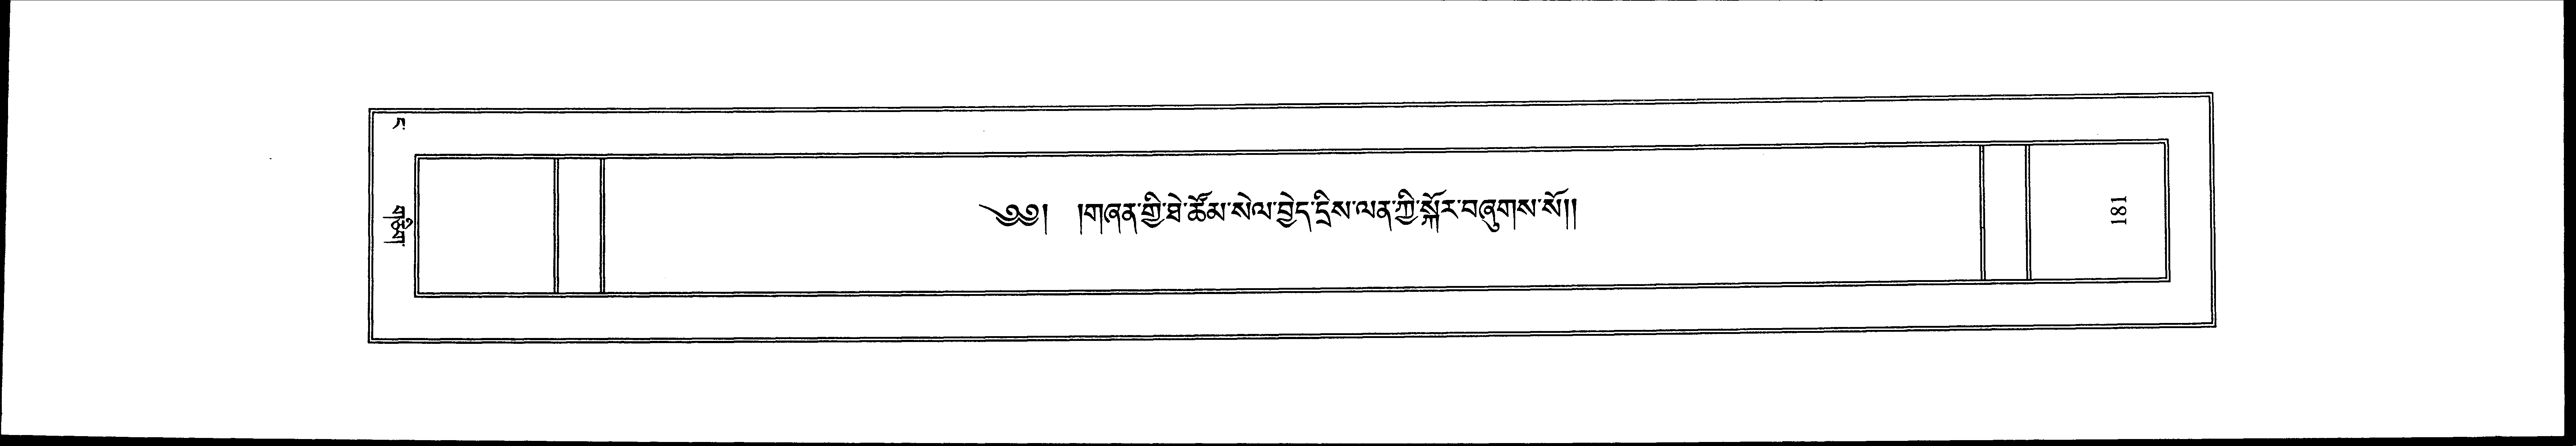༄༅། །གཞན་གྱི་ཐེ་ཚོམ་སེལ་བྱེད་དྲིས་ལན་ཀྱི་སྐོར་བཞུགས་སོ།།